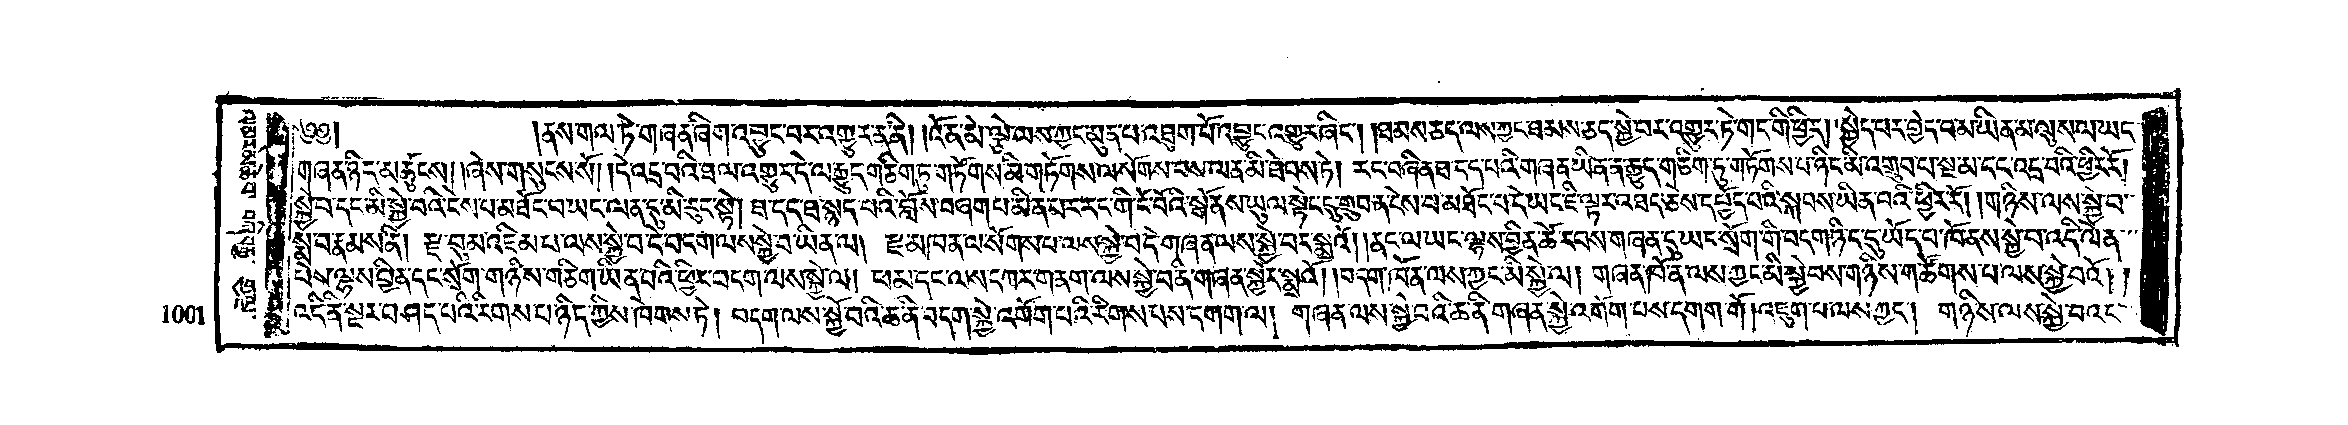༄༅། །ནས་གལ་ཏེ་གཞན་ཞིག་འབྱུང་བར་འགྱུར་ན་ནི། །འོ་ན་མེ་ལྕེ་ལས་ཀྱང་མུན་པ་འཐུག་པོ་འབྱུང་འགྱུར་ཞིང་། །ཐམས་ཅད་ལས་ཀྱང་ཐམས་ཅད་སྐྱེ་བར་འགྱུར་ཏེ་གང་གི་ཕྱིར། །སྐྱེད་པར་བྱེད་པ་མ་ཡིན་མ་ལུས་ལ་ཡང་
གཞན་ཉིད་མཚུངས། །ཞེས་གསུངས་སོ། །དེ་འདྲ་བའི་ཐལ་འགྱུར་དེ་ལ་རྒྱུད་གཅིག་ཏུ་གཏོགས་མི་གཏོགས་ལ་སོགས་པས་ལན་མི་ཐེབས་ཏེ། རང་བཞིན་ཐ་དད་པའི་གཞན་ཡིན་ན་རྒྱུད་གཅིག་ཏུ་གཏོགས་པ་ཉིད་མི་འགྲུབ་པ་སྔ་མ་དང་འདྲ་བའི་ཕྱིར་རོ།།
སྐྱེ་བ་དང་མི་སྐྱེ་བའི་ངེས་པ་མཐོང་བ་ཡང་ལན་དུ་མི་རུང་སྟེ། ཐ་དད་ཐ་སྙད་པའི་བློས་བཞག་པ་མིན་པར་རང་གི་ངོ་བོའི་སྒོ་ནས་ཡུལ་སྟེང་དུ་གྲུབ་ན་ངེས་པ་མཐོང་བ་དེ་ཡང་ཇི་ལྟར་འཐད་ཅེས་དཔྱོད་པའི་སྐབས་ཡིན་པའི་ཕྱིར་རོ། །གཉིས་ལས་སྐྱེ་བ་
སྨྲ་བ་རྣམས་ནི། རྫ་བུམ་འཇིམ་པ་ལས་སྐྱེ་བ་དེ་བདག་ལས་སྐྱེ་བ་ཡིན་ལ། རྫ་མཁན་ལ་སོགས་པ་ལས་སྐྱེ་བ་དེ་གཞན་ལས་སྐྱེ་བར་སྨྲའོ། །ནང་ལ་ཡང་ལྷས་བྱིན་ཚེ་རབས་གཞན་དུ་ཡང་སྲོག་གི་བདག་ཉིད་དུ་ཡོད་པ་ཁོ་ནས་སྐྱེ་བ་འདི་ལེན་
པས་ལྷས་བྱིན་དང་སྲོག་གཉིས་གཅིག་ཡིན་པའི་ཕྱིར་བདག་ལས་སྐྱེ་ལ། ཕམ་དང་ལས་དཀར་གནག་ལས་སྐྱེ་བ་ནི་གཞན་སྐྱེར་སྨྲའོ། །བདག་ཁོ་ན་ལས་ཀྱང་མི་སྐྱེ་ལ། གཞན་ཁོ་ན་ལས་ཀྱང་མི་སྐྱེ་བས་གཉིས་ཀ་ཚོགས་པ་ལས་སྐྱེ་བའོ། །
འདི་ནི་སྔར་བཤད་པའི་རིགས་པ་ཉིད་ཀྱིས་ཁེགས་ཏེ། བདག་ལས་སྐྱེ་བའི་ཆ་ནི་བདག་སྐྱེ་འགོག་པའི་རིགས་པས་དགག་ལ། གཞན་ལས་སྐྱེ་བའི་ཆ་ནི་གཞན་སྐྱེ་འགོག་པས་དགག་གོ །འཇུག་པ་ལས་ཀྱང་། གཉིས་ལས་སྐྱེ་བའང་